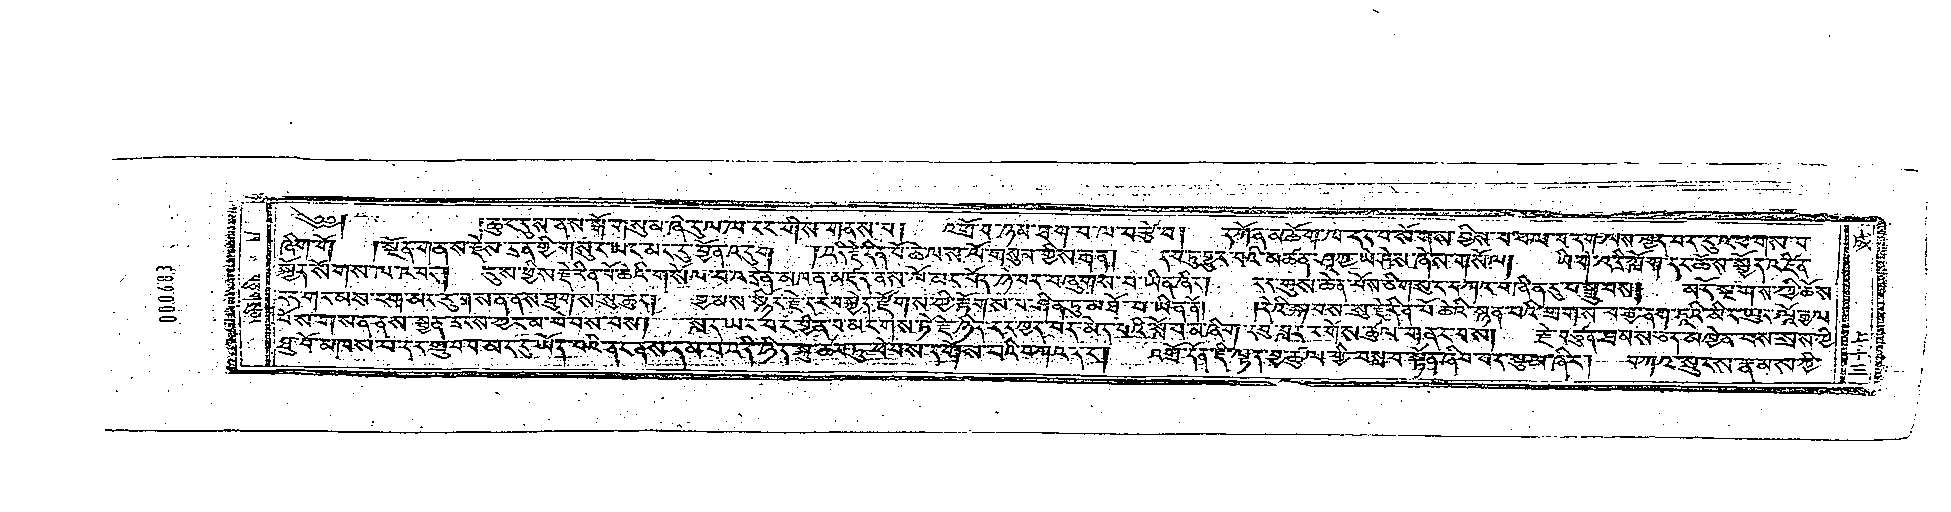༄༅། །ཆུང་དུས་ནས་སྒོ་གསུམ་ཞི་དུལ་ལ་ངང་གིས་གནས་པ། འགྲོ་བ་ཉམ་ཐག་པ་ལ་བརྩེ་བ། དཀོན་མཆོག་ལ་དད་པ་སོགས་བྱིས་པ་ཕལ་བ་དག་ལས་ཁྱད་པར་དུ་འཕགས་པ་
ཞིག་གོ །སྔོན་གནས་རྗེས་དྲན་གྱི་གསུང་ཡང་མང་དུ་བྱོན་འདུག །འདི་རྗེ་རིན་པོ་ཆེ་ལས་ལོ་གསུམ་གྱིས་རྒན། རབ་ཏུ་བྱུང་བའི་མཚན་ཤཱཀྱ་ཡེ་ཤེས་ཞེས་གསོལ། ཡི་གེ་འདྲི་ཀློག་དང་ཆོས་སྤྱོད་འཛིན་
སྐྱོར་སོགས་ལ་འབད། དུས་ཕྱིས་རྗེ་རིན་པོ་ཆེའི་གསོལ་བ་འདྲེན་མཁན་མཛད་ནས་ལོ་མང་པོར་ཉེ་བར་བཞུགས་བ་ཡིན་ཞིང་། དད་གུས་ཆེན་པོས་ཅི་གསུང་བཀའ་བཞིན་དུ་བསྒྲུབས། མདོ་སྔགས་ཀྱི་ཆོས་
དང་གདམས་ངག་མང་དུ་གསན་ནས་ཐུགས་སུ་ཆུད། བྱམས་སྙིང་རྗེ་དང་བསྐྱེད་རྫོགས་ཀྱི་རྟོགས་པ་ཤིན་ཏུ་མཐོ་བ་ཡིན་ནོ། །དེའི་སྐབས་སུ་རྗེ་རིན་པོ་ཆེའི་སྙན་པའི་གྲགས་བ་རྒྱ་ནག་ཏཱའི་མིང་ཡུང་ལO་རྒྱལ་
པོས་གསན་ནས་སྤྱན་དྲངས་ཀྱང་མ་ཕེབས་བས། སླར་ཡང་བང་ཕྱིན་པ་མངགས་ཏེ་རྗེ་ཉིད་དང་ཁྱད་པར་མེད་པའི་སློབ་མ་ཞིག་དབུ་བླར་དགོས་ཚུལ་གནང་བས། རྗེ་བཙུན་ཐམས་ཅད་མཁྱེན་པས་སྲས་ཀྱི་
ཐུ་བོ་མཁས་པ་དང་གྲུབ་བ་མང་དུ་ཡོད་པའི་ནང་ནས་དམ་པ་འདི་ཉིད་སྐུ་ཚབ་ཏུ་ཕེབས་དགོས་པའི་བཀའ་དང་། འགྲོ་དོན་ཇི་ལྟར་བྱ་ཚུལ་གྱི་བསླབ་སྟོན་ཞིབ་བར་སྩལ་ཞིང་། བཀའ་སྲུངས་རྣམས་ཀྱི་